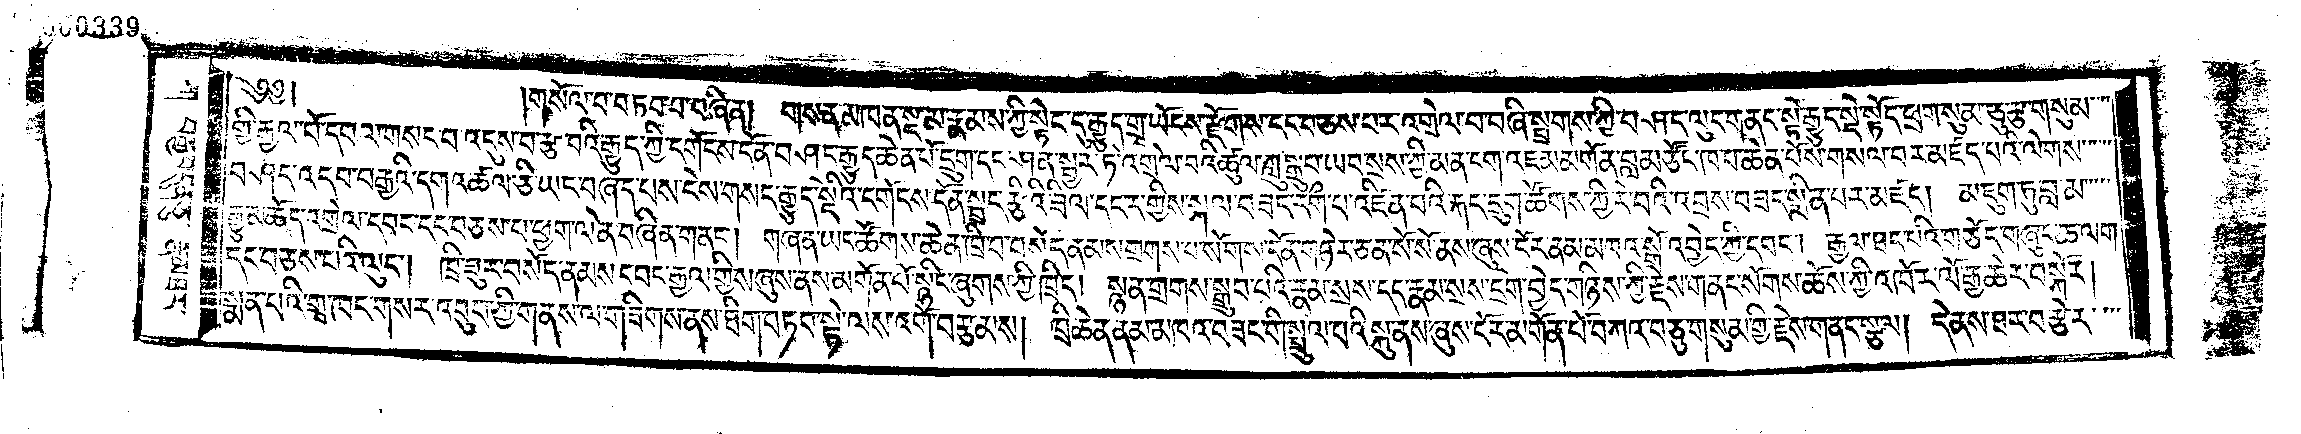༄༅། །གསོལ་བ་བཏབ་པ་བཞིན། གསན་མཁན་སྔ་མ་རྣམས་ཀྱི་སྟེང་དུ་རྒྱུད་གྲྭ་ཡོངས་རྫོགས་དང་བཅས་པར་འགྲེལ་པ་བཞི་སྦྲགས་ཀྱི་བཤད་ལུང་གནང་སྟེ་རྒྱུད་སྡེ་སྟོང་ཕྲག་སུམ་ཅུ་རྩ་གསུམ་
གྱི་རྒྱལ་པོ་དཔལ་གསང་བ་འདུས་པ་རྩ་བའི་རྒྱུད་ཀྱི་དགོངས་དོན་བཤར་རྒྱུད་ཆེན་པོ་དྲུག་དང་ཤན་སྦྱར་ཏེ་འགྲེལ་བའི་ཚུལ་ཀླུ་སྒྲུབ་ཡབ་སྲས་ཀྱི་མན་ངག་འཇམ་མགོན་བླ་མ་ཙོང་ཁ་པ་ཆེན་པོས་གསལ་བར་མཛད་པའི་ལེགས་
བཤད་འདབ་བརྒྱའི་དགའ་ཚལ་ཅི་ཡང་བཞད་པས་ངེས་གསང་རྒྱུད་སྡེའི་དགོངས་དོན་སྦྲང་རྩིའི་ཟིལ་དངར་གྱིས་སྐལ་བཟང་རྀག་པ་འཛིན་པའི་རྐང་དྲུག་ཚོགས་ཀྱི་རེ་བའི་འབྲས་བཟང་སྨིན་པར་མཛད། མཇུག་ཏུ་བླ་མ་
རྒྱུ་མཆོད་འགྲེལ་དབང་དང་བཅས་པ་ཕྱག་ལེན་བཞིན་གནང་། གཞན་ཡང་ཚོགས་ཆེན་ཁྲི་པ་བསོད་ནམས་གྲགས་པ་སོགས་དོན་གཉེར་ཅན་སོ་སོ་ནས་ཞུས་ངོར་ནམ་མཁའ་སྒོ་འབྱེད་ཀྱི་དབང་། རྒྱལ་ཐང་པའི་གཅོད་གཞུང་ཆ་ལག་
དང་བཅས་པའི་ལུང་། ཁྲི་ཟུར་བསོད་ནམས་དབང་རྒྱལ་གྱིས་ཞུས་ནས་མགོན་པོ་སྙིང་ཞུགས་ཀྱི་ཁྲིད། སྙན་གྲགས་སྒྲུབ་པའི་རྣམ་སྲས་དང་རྣམ་སྲས་དྲེག་བྱེད་གཉིས་ཀྱི་རྗེས་གནང་སོགས་ཆོས་ཀྱི་འཁོར་ལོ་རྒྱ་ཆེར་བསྐོར།
སྨན་པའི་གྲྭ་ཁང་གསར་འབུབ་ཀྱི་གནས་ལ་གཟིགས་ནས་ཐིག་བཏབ་སྟེ་ལས་འགོ་བརྩམས། ཁྲི་ཆེན་ནམ་མཁའ་བཟང་གི་སྤྲུལ་པའི་སྐུ་ནས་ཞུས་ངོར་མགོན་པོ་བཀའ་བཅུ་གསུམ་གྱི་རྗེས་གནང་སྩལ། དེ་ནས་ཐར་པ་རྩེར་